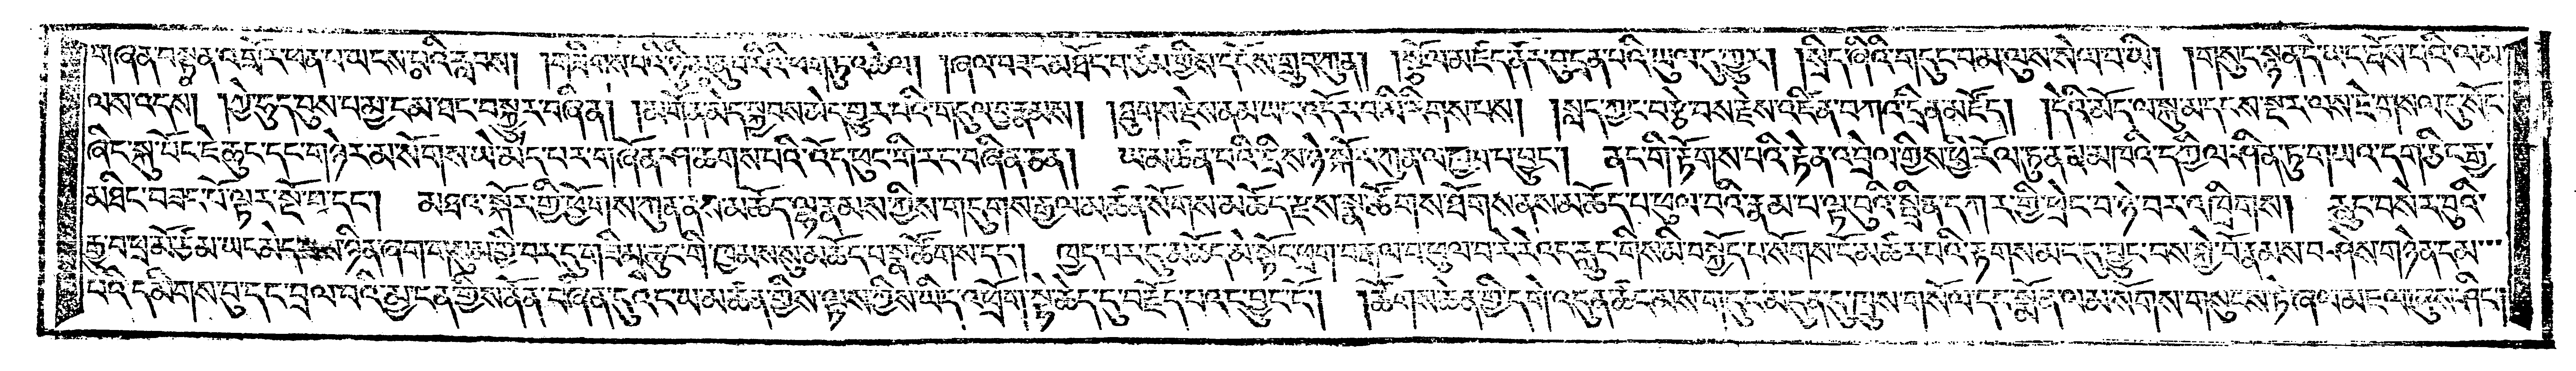གཞན་བསྟན་འགྲོར་ཕན་པ་ཡངས་པའི་རླབས། །གཟིགས་པའི་ཉི་མ་ནུབ་རིའི་ཕག་ཏུ་འཆེལ། །ཞལ་བཟང་མཐོང་བ་ཙམ་གྱིས་དངོས་གྲུབ་ཀུན། །སྩོལ་མཛད་ནོར་བུ་དྲན་པའི་ཡུལ་དུ་གྱུར། །སྲིད་ཞིའི་གདུང་བ་མ་ལུས་སེལ་བ་ཡི། །གསུང་སྙན་དེ་ཡང་ཐོས་པའི་ལམ་
ལས་འདས། །ཀྱེ་ཧུད་བུས་བ་མྱ་ངམ་ཐང་བསྐྱུར་བཞིན། །མགོན་མེད་སྐྱབས་མེད་གྱུར་པའི་གདུལ་བྱ་རྣམས། །ཐུགས་རྗེས་ནམ་ཡང་འདོར་བ་མི་རིགས་པས། །སླད་ཀྱང་བརྩེ་བས་རྗེས་འཛིན་བཀའ་དྲིན་མཛོད། །དེའི་མོད་ལ་སྐུ་མདངས་སྔར་ལས་ཇེ་གསལ་དུ་སོང་
ཞིང་སྐུ་བོང་ཇེ་ཆུང་དང་གཉེར་མ་སོགས་ཡེ་མེད་བར་གཞོན་ཤ་ཆགས་པའི་འོད་ཕུང་གི་རང་བཞིན་ཅན། ཡ་མཚན་པའི་དྲིས་ཉེ་སྐོར་ཀུན་ལ་ཁྱབ་པ་བྱུང་། ནང་གི་རྟོགས་པའི་རྟེན་འབྲེལ་གྱིས་ཕྱི་རོལ་ཏུ་ནམ་མཁའི་དཀྱིལ་ཤིན་ཏུ་གཡའ་དག་ཅིང་རྒྱ་
མཐིང་བཟང་པོ་ལྟར་སྔོ་བ་དང་། མཐའ་སྐོར་གྱི་ཕྱོགས་ཀུན་ནས་མཆོད་ལྷ་རྣམས་ཀྱིས་གདུགས་རྒྱལ་མཚན་སོགས་མཆོད་རྫས་སྣ་ཚོགས་ཐོགས་ནས་མཆོད་པ་ཕུལ་བའི་རྣམ་པ་ལྟ་བུའི་སྤྲིན་དཀར་གྱི་ཕྲེང་བ་ཉེ་བར་འཁྲིགས། རླུང་བསེར་བུའི་
རྒྱུ་བ་ཕྲ་མོ་ཙམ་ཡང་མེད་པས་ཉིན་ཞག་གསུམ་གྱི་བར་དུ་གཟིམས་ཆུང་གི་ཁྱམས་སུ་མཆོད་པ་སྣ་ཚོགས་དང་། ཁྱད་པར་དུ་མཆོད་མེ་སྟོང་ཕྲག་བརྒལ་བ་ཕུལ་བ་རེ་རེའང་རླུང་གིས་མི་བསྐྱོད་པ་སོགས་ངོ་མཚར་བའི་རྟགས་མང་དུ་བྱུང་བས་སྐྱེ་བོ་རྣམས་བཤེས་གཉེན་དམ་
པའི་དམིགས་བུ་དང་བྲལ་བའི་མྱ་ངན་གྱིས་ནོན་བཞིན་དུའང་ཡ་མཚན་གྱིས་ལྟས་ཀྱིས་ཡིད་འཕྲོག་སྟེ་ཆེད་དུ་བརྗོད་པའང་བྱུང་ངོ། །ཚོགས་ཆེན་གྱི་དགེ་འདུན་ཚང་མས་གདུང་མདུན་དུ་ཁྲུས་གསོལ་དང་སྨོན་ལམ་སོགས་གསུངས་ཏེ་ཞལ་མཇལ་ཞུས་ཤིང་